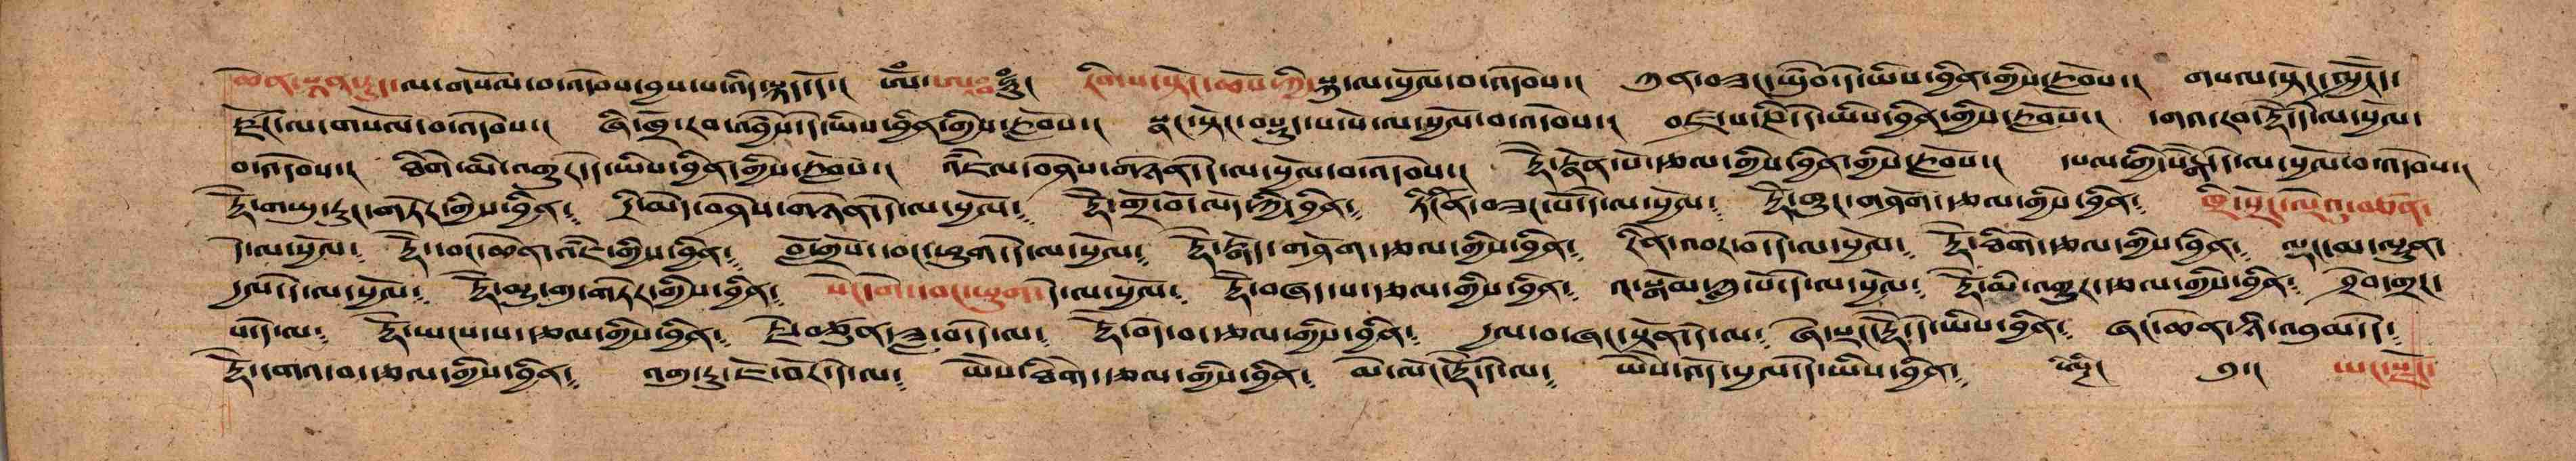ཆེན་སྙན་རྒྱུད་ལ་གསོལ་འདེབས་བྱས་པ་འདི་སྐད་དོ།། ཨོཾ་ཨཱཿཧཱུཾ། རིགས་སྟོང་ཆོས་ཀྱི་སྐུ་ལ་གསོལ་བ་འདེབས།། ཀུན་བཟང་ཡབ་ཡུམ་དེ་ཡིས་བྱིན་གྱིས་རློབས།། གསལ་སྟོང་ལོངས་སྤྱོད་
རྫོགས་ལ་གསོལ་བ་འདེབས།། ཞི་ཁྲོ་རབ་འབྱམས་དེ་ཡིས་བྱིན་གྱིས་རློབས།། སྣང་སྟོང་སྡུད་པ་པོ་ལ་གསོལ་བ་འདེབས།། བཛྲ་པ་ཎི་དེ་ཡིས་བྱིན་གྱིས་རློབས།། དགའ་རབ་རྡོ་རྗེ་དེ་ལ་གསོལ་
བ་འདེབས།། དགའ་རབ་རྡོ་རྗེ་དེ་ལ་གསོལ་བ་འདེབས།། ཐིག་ལེ་མི་འགྱུར་དེ་ཡིས་བྱིན་གྱིས་རློབས།། འཇམ་དཔལ་བཤེས་གཉེན་དེ་ལ་གསོལ་བ་འདེབས།། རྡོ་རྗེ་རྣོན་པོ་རྩལ་གྱིས་བྱིན་གྱིས་རློབས།། དཔལ་གྱི་སེང་གེ་དེ་ལ་གསོལ་བ་འདེབས།།
 རྡོ་རྗེ་གཡུ་རུང་གཏེར་གྱིས་བྱིན་གྱིས་རློབས།། དྲི་མེད་བཤེས་གཉེན་དེ་ལ་གསོལ་བ་འདེབས།། རྡོ་རྗེ་གྲོ་བོ་ལོད་ཀྱི་བྱིན་གྱིོས་རློབས།། ཏིང་འཛིན་བཟང་པོ་དེ་ལ་གསོལ་བ་འདེབས།། རྡོ་རྗེ་ཁྱུང་གཤོག་རྩལ་གྱིས་བྱིན་གྱིས་རློབས།། ཁྲི་སྲོང་ལྡེའུ་བཙན་
དེ་ལ་གསོལ་བ་འདེབས།། རྡོ་རྗེ་དབང་ཆེན་འཇམ་གྱིས་བྱིན་གྱིས་རློབས།། བློ་གྲོས་དབང་ཕྱུག་དེ་ལ་གསོལ་བ་འདེབས།། རྡོ་རྗེ་རྒོད་གཤོག་རྩལ་གྱིས་བྱིན་གྱིས་རློབས།། རིན་ཆེན་འབར་བ་དེ་ལ་གསོལ་བ་འདེབས།། རྡོ་རྗེ་ཐིག་ལེ་རྩལ་གྱིས་བྱིན་གྱིས་རློབས།། ལྡང་མ་ལྷུན་
རྒྱལ་དེ་ལ་གསོལ་བ་འདེབས།། རྡོ་རྗེ་མྱུ་གུ་གཏེར་གྱིས་བྱིན་གྱིས་རློབས།། སེང་གེ་དབང་ཕྱུག་དེ་ལ་གསོལ་བ་འདེབས།། རྡོ་རྗེ་བཞད་པ་རྩལ་གྱིས་བྱིན་གྱིས་རློབས།། འ་སྒོམ་ཀླུ་པོ་དེ་ལ་གསོལ་བ་འདེབས།། རྡོ་རྗེ་མི་འགྱུར་རྩལ་གྱིས་བྱིན་གྱིས་རློབས།། ཤེས་རབ་གྲགས་
པ་དེ་ལ་གསོལ་བ་འདེབས།། རྡོ་རྗེ་ཡངས་པ་རྩལ་གྱིས་བྱིན་གྱིས་རློབས།། རྗེ་བཙུན་ཟླ་བ་དེ་ལ་གསོལ་བ་འདེབས།། རྡོ་རྗེ་བདེ་བ་རྩལ་གྱིས་བྱིན་གྱིས་རློབས།། རྒྱལ་བ་ཞང་སྟོན་དེ་ལ་གསོལ་བ་འདེབས།། ཞེ་སྡང་རྡོ་རྗེ་དེ་ཡིས་བྱིན་གྱིས་རློབས།། ཞང་ཆེན་ཉི་འབུམ་དེ་
རྡོ་རྗེ་དགའ་བ་རྩལ་གྱིས་བྱིན་གྱིས་རློབས།། འགུ་རུ་ཇོ་བོ་དེ་ལ་གསོལ་བ་འདེབས།། ཡེ་ཤེས་ཐིག་ལེ་རྩལ་གྱིས་བྱིན་གྱིས་རློབས།། མེ་ལོང་རྡོ་རྗེ་དེ་ལ་གསོལ་བ་འདེབས།། ཡེ་ཤེས་འོད་གསལ་དེ་ཡིས་བྱིན་གྱིས་རློབས།། ཨིཊི།། ༄༅།། ཡང་རྫོང་